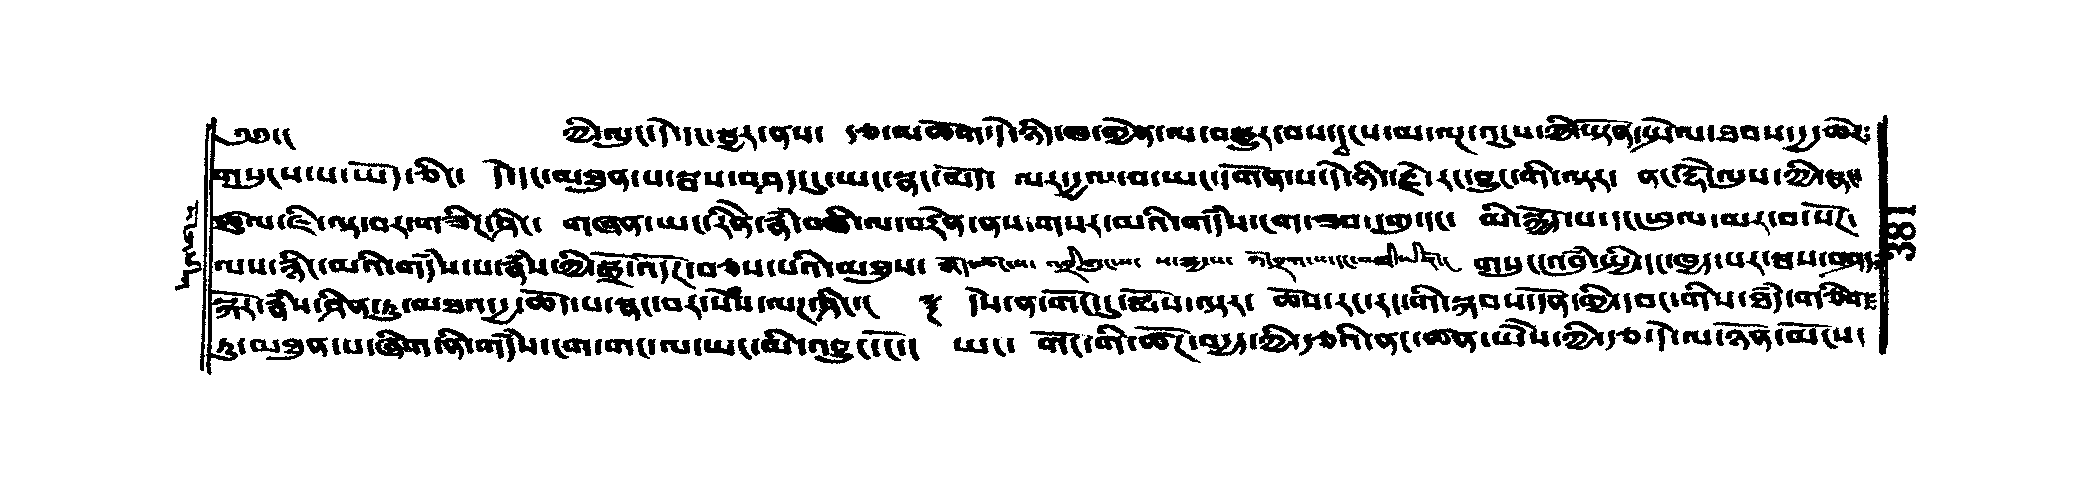ཀྱི་ལུང་དེ་དང་སྦྱར་ནས། རྩ་མཆོག་དེ་ཉིད་ཁ་གྱེན་ལ་བསྒྱུར་བས་དྭངས་མ་ལྔ་འདུས་ཀྱི་ཡོན་ཏན་སྤེལ་ཐབས་རྒྱ་ཆེར་
གསུངས་པ་ཡོད་ཅིང་། དེ་དག་མཐུན་པ་སྦས་བཤད་དུ་ཡང་སྣང་མོད། ལར་རྒྱལ་བ་ཡང་དགོན་པ་དེ་ཉིད་རྗེ་རང་བྱུང་གི་ལྟར། ནང་རྡོ་རྗེ་ལུས་ཀྱི་སྣང་
ཚུལ་ཇི་ལྟ་བར་གཟིགས་ཤིང་། གཞན་ཡང་རིན་ཆེན་རྣམ་བཞི་ལ་བརྟེན་ནས་གསར་མའི་གདམས་ངག་ཟབ་དགུ་དང་། མི་སྐྱོད་པ་དང་ཕུལ་མར་བ་སོགས་
ལས་རྙིང་མའི་གདམས་པ་རྣམས་ཀྱི་སྒྲོ་འདོགས་བཅད་པའི་མཐུས་གསུང་འབུམ་སྤྱི་དང་ཁྱད་པར་སྦས་བཤད་
སྐོར་རྣམས་ཤིན་ཏུ་མཐའ་རྒྱ་ཆོད་པ་སྣང་བར་སེམས་ལགས་ཤིང་།དེས་ན་གོང་དུ་སྨོས་པ་ལྟར། ཆོས་རང་རང་གི་སྐབས་དོན་གྱི་དབང་གིས་ཐམས་ཅད་གཅིག་
ཏུ་མཐུན་པ་ཞིག་ནི་གདམས་ངག་གང་ལ་ཡང་མི་འབྱུང་ངོ་། ཡང་། གོང་གི་ཚོགས་བརྒྱད་ཀྱི་རྩའི་ནང་ཚན་ཡེ་ཤེས་ཀྱི་རྩ་དེ་ལ་ཉོན་མོངས་